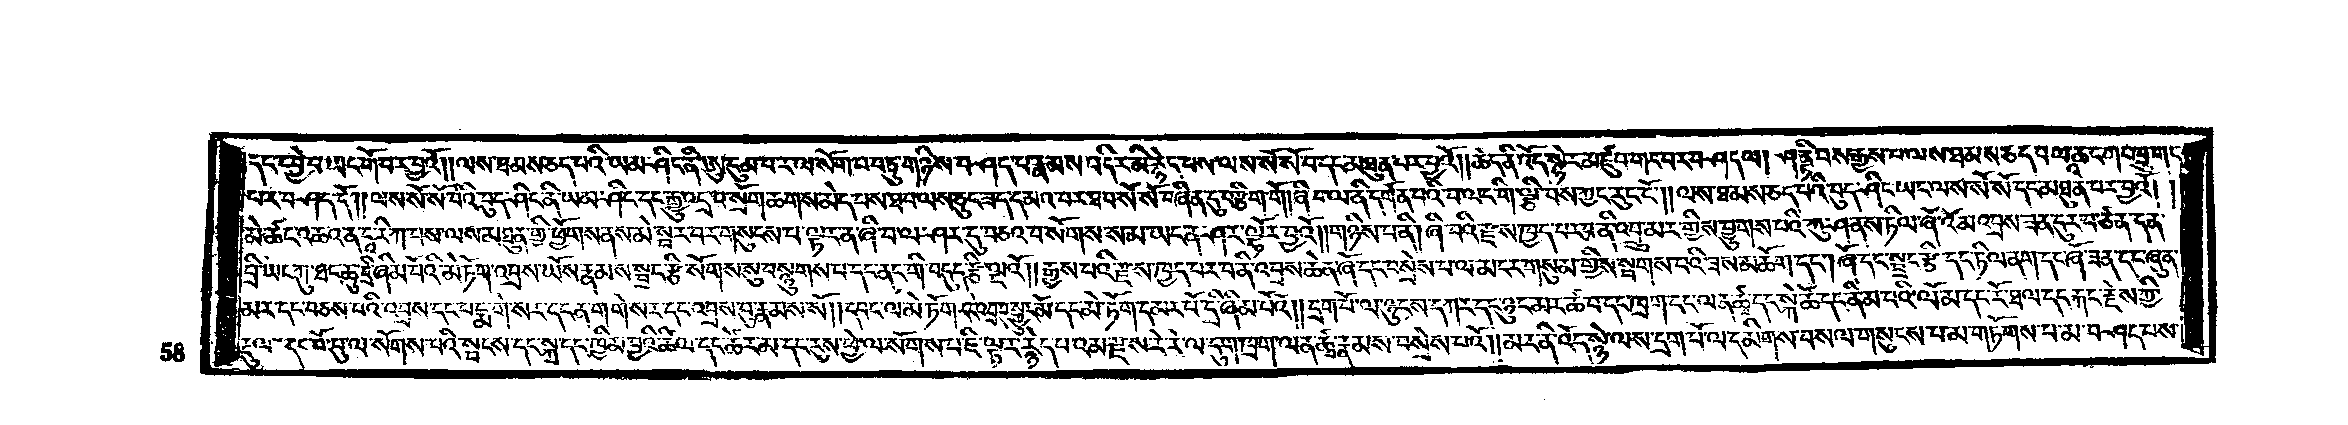དང་དབྱེ་བ་ཡང་གོ་བར་བྱའོ། །ལས་ཐམས་ཅད་པའི་ཡམ་ཤིང་ནི་ཨུ་དུམ་བ་ར་ལ་སོག་པ་བཅུ་གཉིས་བཤད་པ་རྣམས་འདིར་མི་རྙེད་པས་ལས་སོ་སོ་བ་དང་མཐུན་པར་བྱའོ། །ཚད་ནི་འོད་སྙེར་མཛུབ་གང་བར་བཤད་ལ། ཤནྟི་བས་རྒྱས་པ་ལས་ཐམས་ཅད་བལ་?་འཆང་གང་ཁྲུ་གང་
པར་བཤད་དོ། །ལས་སོ་སོ་བའི་བུད་ཤིང་ནི་ཡམ་ཤིང་དང་རྒྱུ་འདྲ་བ་སྲོག་ཆགས་མེད་པས་ཐབ་ལས་ཅུང་ཟད་དམའ་བར་ཐབ་སོ་སོ་བཞིན་དུ་བརྩིག་གོ། ཞི་བ་ལ་ནི་དགོན་པའི་བ་ལང་གི་ལྕི་བས་ཀྱང་རུང་ངོ། །ལས་ཐམས་ཅད་པའི་བུད་ཤིང་ཡང་ལས་སོ་སོ་དང་མཐུན་པར་བྱའོ། །
མེ་ཚང་འཆའ་ན་དཱ་རི་ཀ་པས་ལས་མཐུན་གྱི་ཕྱོགས་ནས་མེ་སྦར་བར་གསུངས་པ་ལྟར་ན་ཞི་བ་ལ་ཤར་དུ་བཅའ་བ་སོགས་སམ་ཡང་ན་ཤར་ལྷོར་བྱའོ། །གཉིས་པ་ནི། ཞི་བའི་རྫས་ཁྱད་པར་བ་ནི་འབྲུ་མར་གྱིས་བྱུགས་པའི་ཀུ་ཤ་ནས་ཏིལ་ཞོ་འོ་མ་འབྲས་ཟན་དུར་བ་ཙན་དན་
བྲི་ཡང་ཀུ་ཐང་ཆུ་དྲི་ཞིམ་པོའི་མེ་ཏོག་འབྲས་ཡོས་རྣམས་སྦྲང་རྩི་སོགས་སུ་བསྙུགས་པ་དང་ནང་གི་བདུད་རྩི་ལྔའོ། །རྒྱས་པའི་རྫས་ཁྱད་པར་བ་ནི་འབྲས་ཆེན་ཞོ་དང་བསྲེས་པ་ལ་མངར་གསུམ་གྱིས་སྦགས་པའི་ཟས་མཆོག་དང་། ཞོ་དང་སྦྲང་རྩི་དང་ཏིལ་ནག་དང་ཞོ་ཟན་དང་ཞུན་
མར་དང་བཅས་པའི་འབྲས་དང་པདམ་གེ་སར་དང་ན་ག་གེ་སར་དང་འབྲས་བུ་རྣམས་སོ། །དབང་ལ་མེ་ཏོག་དང་འབྲ་བསྒྱུར་?་མོ་དང་མེ་ཏོག་དམར་པོ་དྲི་ཞིམ་པོའོ། །དྲག་པོ་ལ་ཉུངས་དཀར་དང་ཉུང་མར་ཚ་བ་དང་ཁྲག་དང་ལན་ཚྭ་དང་སྐེ་ཚེ་དང་ནིམ་པའི་ལོ་མ་དང་རོ་ཐལ་དང་རྐང་རྗེས་ཀྱི་
རྡུལ་དང་བོ་བུ་ལ་སོགས་པའི་སྤངས་དང་སྐྲ་དང་ཁྱིམ་བྱའི་ཚིལ་དང་ཚེར་མ་དང་རུས་ཕྱེ་ལ་སོགས་པ་ཇི་ལྟར་རྙེད་པའམ་རྫས་རེ་རེ་ལ་དུག་ཁྲག་ལན་ཚྭ་རྣམས་བསྲེས་པའོ། །མར་ནི་འོད་སྙེ་ལས་དྲག་པོ་ལ་དམིགས་བསལ་གསུངས་པ་མ་གཏོགས་པ་མ་བཤད་པས་